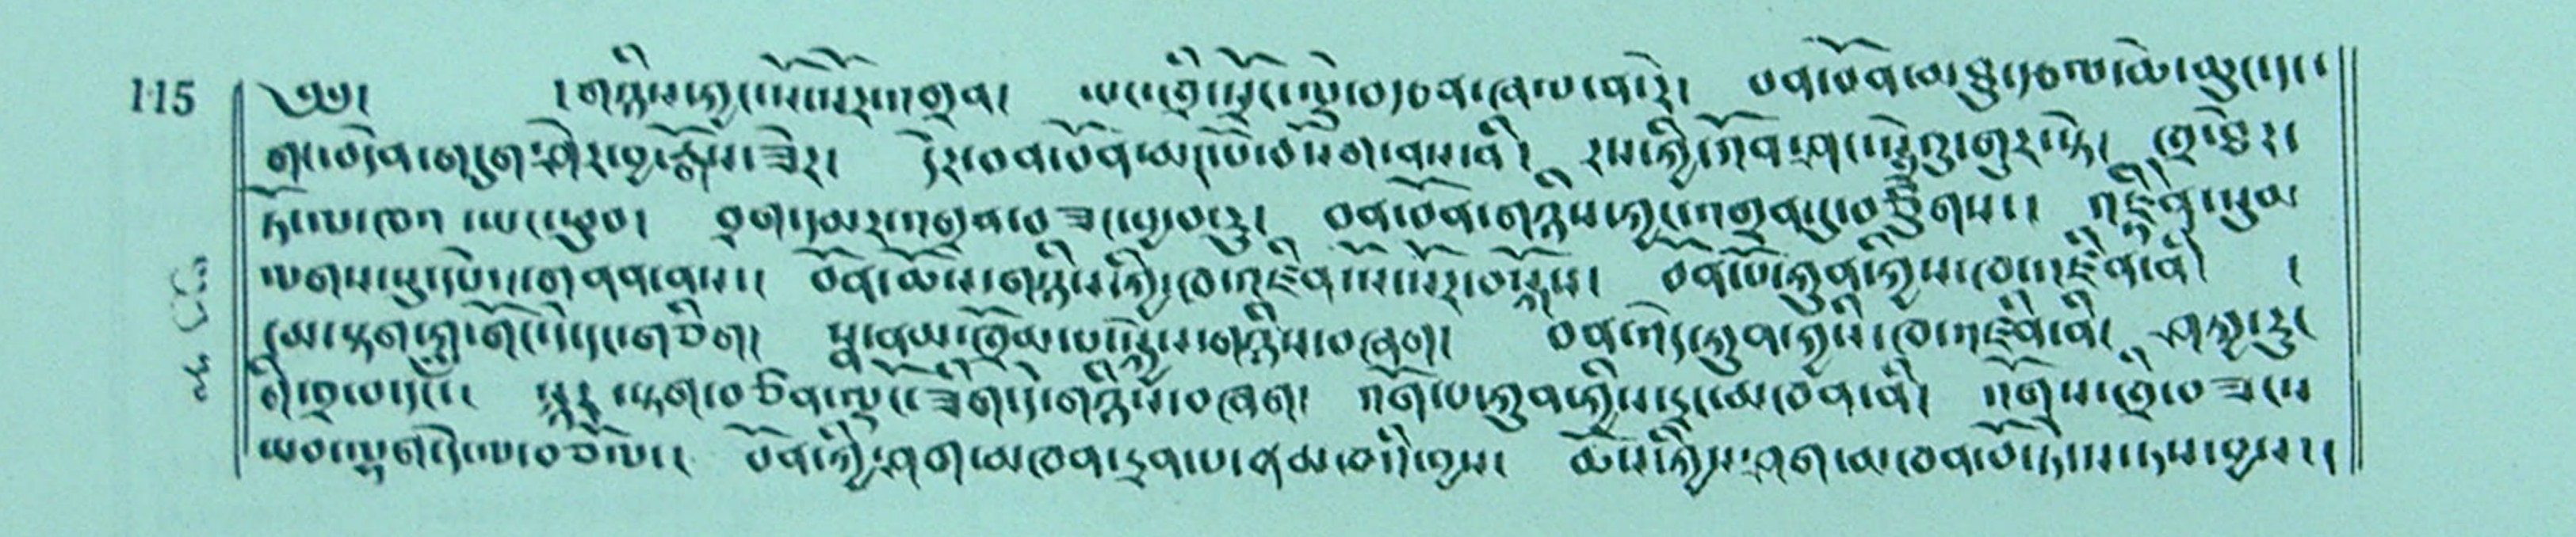༄༅། །གཉིས་ཀྱང་སོ་སོར་འགྲན། ཡང་ཁྲི་སྲོང་ལྡེ་བཙན་ཞལ་ན་རེ། བན་བོན་མཐུ་རྩལ་ཆེ་ཆུང་དང་། 
གང་བདེན་གདུག་གཤེར་བྱ་རྒོས་ཟེར། དེར་བན་བོན་མང་པོ་བསོགས་ནས་ནི། རས་ཀྱི་འོན་ཤང་སྦྲའུ་གུར་དེ། ཁྲ་ཐེར་
ཏོ་ལ་ཁ་ཡང་ཕུབས། བྲག་དམར་འགྲན་བཟང་བྱ་བ་རུ། བན་བོན་གཉིས་ཀྱང་འགྲན་དུ་བཙུགས། འཇིག་རྟེན་གསུམ་ན་
ལགས་སུ་དཔེ་མནན་ནས། བོན་ཆོས་གཉིས་ལ་ཁ་འཛིན་སོ་སོར་བསྐོས། བོན་པོ་ཀུན་ཀྱི་ཁ་འཛིན་ནི། 
ངམ་སྟག་ར་ཀླུ་གོང་དང་གཅིག སྣ་ནམ་ཁྲོམ་པ་སྐྱེས་གཉིས་བཞག བན་དྷེ་ཀུན་ཀྱི་ཁ་འཛིན་ནི། ཤཱཀྱ་རུང་
གི་བྲ་བ་དང་། སྙར་སྟག་བཙན་ལྡོང་ཟིན་དེ་གཉིས་བཞག མགོ་བ་ཀུན་ཀྱི་དྲང་མཁན་ནི། འགོས་ཁྲི་བཟང་
ཡབ་ལྷག་དེ་ལ་བཅོལ། བོན་གྱི་ཤགས་མཁན་དྲན་པ་ནམ་མཁས་བྱས། ཆོས་ཀྱི་ཤགས་མཁན་བོ་ཏེ་ས་ཏས་བྱས།